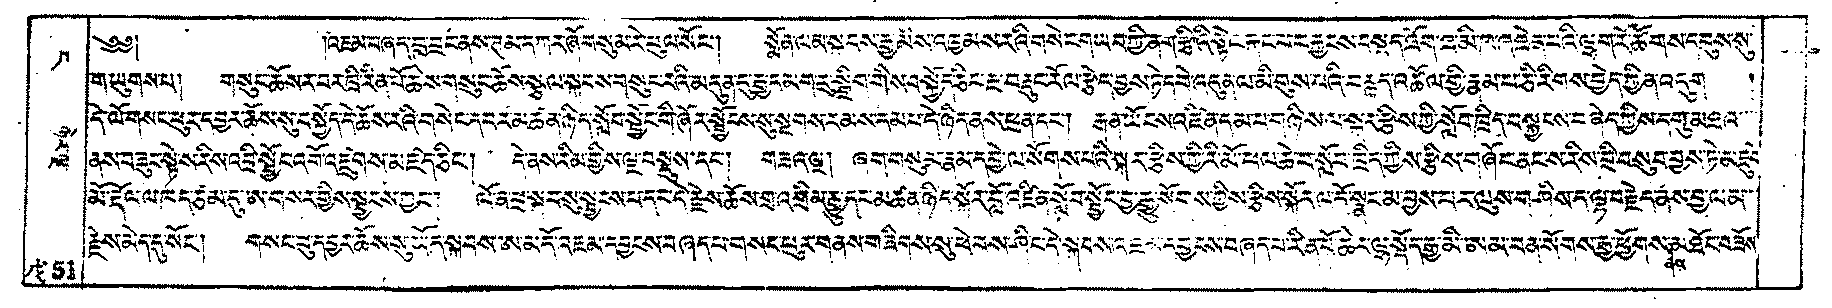༄༅། །འཇམ་བཞད་བླ་བྲང་ནས་ཊམ་དཀར་ཞོ་གསུམ་རེ་ཕུལ་སོང་། སྨོན་ལམ་སྐབས་རྒྱ་མིས་འཁྱམས་རའི་གསེང་གཡབ་ཀྱི་ནག་རྩིའི་སྟེང་རྐང་པ་བརྐྱངས་བསྡད་ཐོག་ཐ་མི་ཁ་འཐེན་པའི་ལྷག་རོ་ཚོགས་དབུས་སུ་
གཡུགས་པ། གསུང་ཆོས་ར་བར་ཁྲི་རིན་པོ་ཆེས་གསུང་ཆོས་སྩལ་སྐབས་གསུང་རའི་མདུན་དུ་རྒྱ་དམག་རུ་སྒྲིག་གིས་བསྐྱོད་ཅིང་རྔ་བརྡུང་རོལ་རྩེད་བྱས་ཏེ་དགེ་འདུན་ལ་མི་གུས་པའི་བརྙད་འཚོལ་གྱི་རྣམ་པ་ཅི་རིགས་བྱེད་ཀྱིན་འདུག །
དེ་ལོ་གསང་ཕུར་དབྱར་ཆོས་སུ་བསྐྱོད་དེ་ཆོས་རའི་གསེང་དབར་མཚན་ཉིད་སློབ་སྦྱོང་གི་ཞོར་སྦྱོངས་སུ་སྔགས་རམས་དམ་པ་དེ་ཉིད་ནས་ཕྲན་དང་། རྒན་ཡོངས་འཛིན་དམ་པ་གཉིས་ལ་སྐར་རྩིས་ཀྱི་སློབ་ཁྲིད་བསྐྱངས་བཞེད་ཀྱིས་དགུ་མཐའ་
ནས་བཟུང་སྟེ་ས་རིས་འབྲི་སྦྱོང་འགོ་འཛུགས་མཛད་ཅིང་། དེ་ནས་རིམ་གྱིས་ལྔ་བསྡུས་དང་། གཟའ་ལྔ། ཞག་གསུམ་རྣམ་དབྱེ་ལ་སོགས་པའི་སྐར་རྩིས་ཀྱི་རི་མོ་ཕལ་ཆེ་བ་སློབ་ཁྲིད་ཀྱིས་རྩིས་གཞོང་ནང་ས་རིས་བྲི་བསུབ་བྱས་ཏེ་མཛུབ་
མོ་རྡོལ་ལ་ཁད་ཙམ་དུ་ཨ་གསར་གྱིས་སྦྱངས་ཀྱང་། ལོ་ན་ཕྲ་སྐབས་སུ་སྦྱངས་པ་དང་དེ་རྗེས་ཆོས་གྲ་འགྲིམ་རྒྱུ་དང་མཚན་ཉིད་སྐོར་བློ་འཛིན་སློབ་སྦྱོང་བྱ་རྒྱུ་སོགས་ཀྱིས་རྩིས་སྐོར་ལ་དོ་སྣང་མ་བྱས་པར་ལུས་གཤིས་ད་ལྟ་བརྗེད་ནས་བྱ་ལམ་
རྗེས་མེད་དུ་སོང་། གསང་ཕུ་དབྱར་ཆོས་སུ་ཡོད་སྐབས་ཨ་མདོ་འཇམ་དབྱངས་བཞད་པ་གསང་ཕུར་གནས་གཟིགས་སུ་ཕེབས་ཤིང་དེ་སྐབས་འཇམ་དབྱངས་བཞད་པ་རིན་པོ་ཆེར་ལྷ་སྡོད་རྒྱ་མི་ཨམ་བན་སོགས་རྒྱ་ཕྱོགས་ནས་མཐོང་བཟོས་